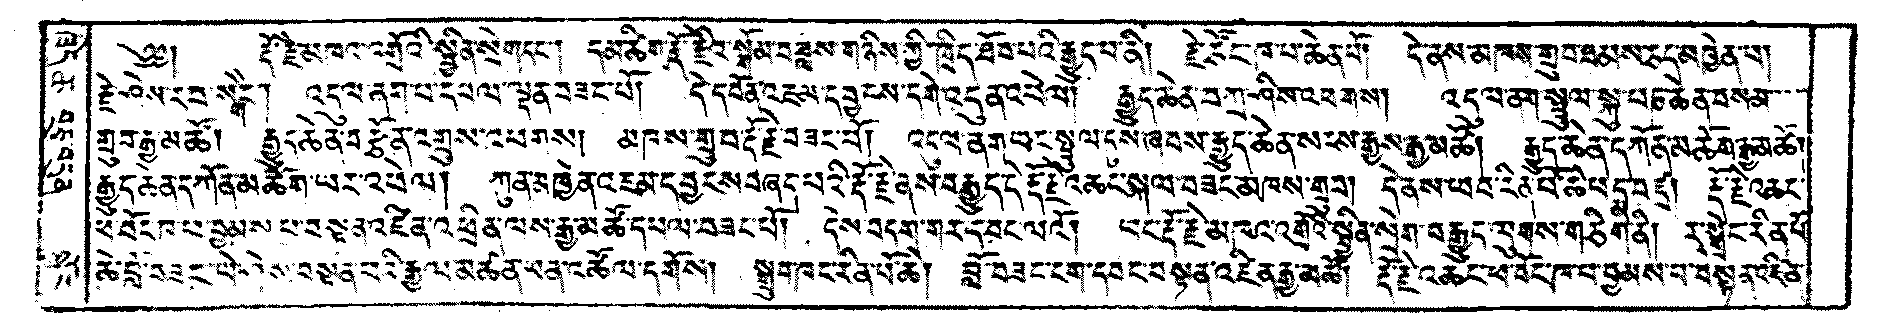༄༅། །རྡོ་རྗེ་མཁའ་འགྲོའི་སྦྱིན་སྲེག་དང་། དམ་ཚིག་རྡོ་རྗེའི་སྒོམ་བཟླས་གཉིས་ཀྱི་ཁྲིད་ཐོབ་པའི་རྒྱུད་པ་ནི། རྗེ་ཙོང་ཁ་པ་ཆེན་པོ། དེ་ནས་མཁས་གྲུབ་ཐམས་ཅད་མཁྱེན་པ།
རྗེ་ཤེས་རབ་སེངྒེ། འདུལ་ནག་པ་དཔལ་ལྡན་བཟང་པོ། དེ་དབོན་འཇམ་དབྱངས་དགེ་འདུན་འཕེལ། རྒྱུད་ཆེན་བཀྲ་ཤིས་འཕགས། འདུལ་ནག་སྤྲུལ་སྐུ་པཎ་ཆེན་བསམ་
གྲུབ་རྒྱ་མཚོ། རྒྱུད་ཆེན་བརྩོན་འགྲུས་འཕགས། མཁས་གྲུབ་རྡོ་རྗེ་བཟང་པོ། འདུལ་ནག་ཡང་སྤྲུལ་དུས་ཞབས་རྒྱུད་ཆེན་སངས་རྒྱས་རྒྱ་མཚོ། རྒྱུད་ཆེན་དཀོན་མཆོག་རྒྱ་མཚོ།
རྒྱུད་ཆེན་དཀོན་མཆོག་ཡར་འཕེལ། ཀུན་མཁྱེན་འཇམ་དབྱངས་བཞད་པའི་རྡོ་རྗེ་ནས་བརྒྱུད་དེ་རྡོ་རྗེ་འཆང་སྐལ་བཟང་མཁས་གྲུབ། དེ་ནས་ཡབ་རིན་པོ་ཆེ་པདམ་བཛྲ། རྡོ་རྗེ་འཆང་
ཕ་བོང་ཁ་པ་བྱམས་པ་བསྟན་འཛིན་འཕྲིན་ལས་རྒྱ་མཚོ་དཔལ་བཟང་པོ། དེས་བདག་གར་དབང་ལའོ། ཡང་རྡོ་རྗེ་མཁའ་འགྲོའི་སྦྱིན་སྲེག་བརྒྱུད་ལུགས་གཅིག་ནི། རྭ་སྒྲེང་རིན་པོ་
ཆེ་བློ་བཟང་ཡེ་ཤེས་བསྟན་པའི་རྒྱལ་མཚན་ཡན་འཚོལ་དགོས། སྒྲུབ་ཁང་རིན་པོ་ཆེ། བློ་བཟང་ངག་དབང་བསྟན་འཛིན་རྒྱ་མཚོ། རྡོ་རྗེ་འཆང་ཕ་བོང་ཁ་པ་བྱམས་པ་བསྟན་འཛིན་